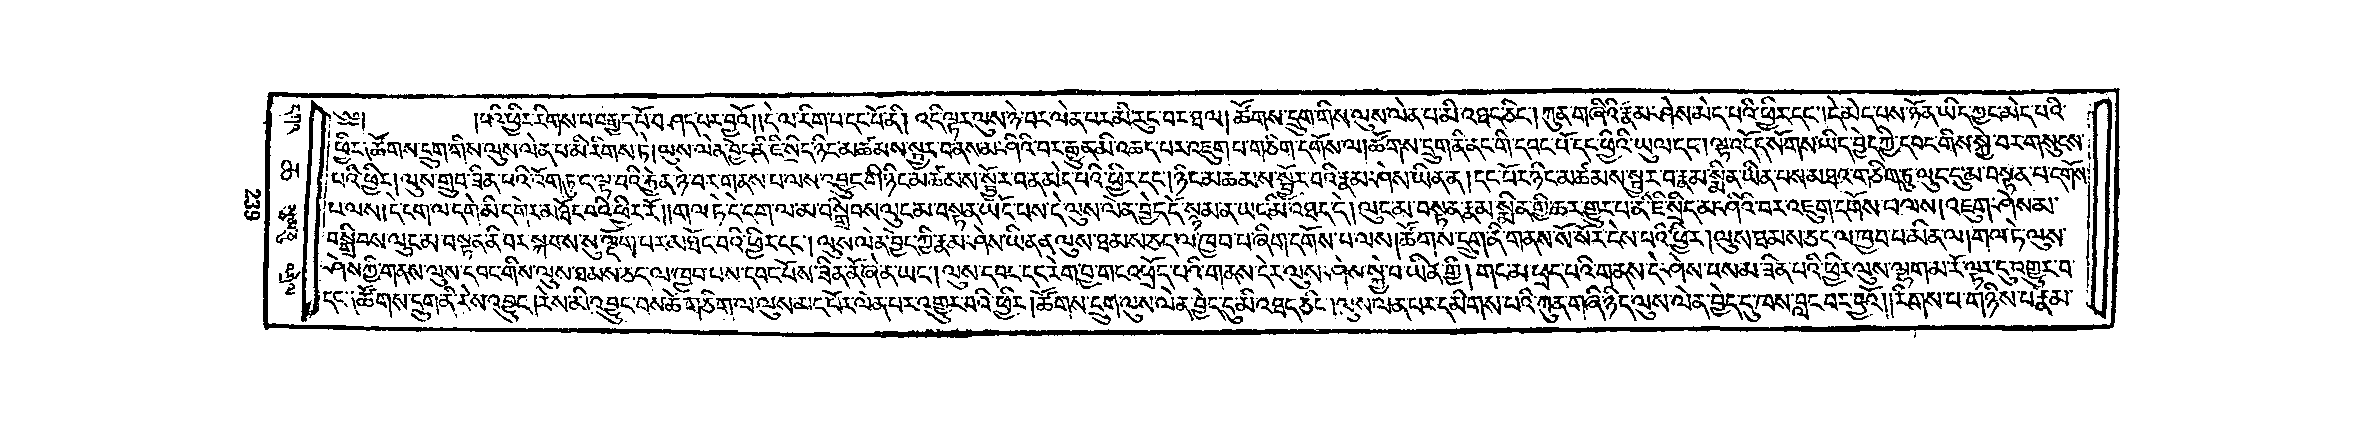༄༅། །པའི་ཕྱིར་རིགས་པ་བརྒྱད་པོ་བཤད་པར་བྱའོ། །དེ་ལ་རིག་པ་དང་པོ་ནི། འདི་ལྟར་ལུས་ཉེ་བར་ལེན་པར་མི་རུང་བར་ཐལ། ཚོགས་དྲུག་གིས་ལུས་ལེན་པ་མི་འཐད་ཅིང་། ཀུན་གཞིའི་རྣམ་ཤེས་མེད་པའི་ཕྱིར་དང་། དེ་མེད་པས་ཉོན་ཡིད་ཀྱང་མེད་པའི་
ཕྱིར། ཚོགས་དྲུག་གིས་ལུས་ལེན་པ་མི་རིགས་ཏེ། ལུས་ལེན་བྱེད་ནི་ཇི་སྲིད་ཉིད་མཚམས་སྦྱར་བ་ནས་མ་ཤིའི་བར་རྒྱུན་མི་འཆད་པར་འཇུག་པ་གཅིག་དགོས་ལ། ཚོགས་དྲུག་ནི་ནང་གི་དབང་པོ་དང་ཕྱིའི་ཡུལ་དང་། ལྟ་འདོད་སོགས་ཡིད་བྱེད་ཀྱི་དབང་གིས་སྐྱེ་བར་གསུངས་
པའི་ཕྱིར། ལུས་གྲུབ་ཟིན་པའི་འོག་ཏུ་ད་ལྟ་བའི་རྐྱེན་ཉེ་བར་གནས་པ་ལས་འབྱུང་གི་ཉིང་མཚམས་སྦྱོར་བ་ན་མེད་པའི་ཕྱིར་གཉི་ལ་གསལ་མ་གསལ་གྱིས་ཁྱད་པར་མེད་པར་ཐལ། དེ་ཡོད་ན་དབན་སྦྱར་བ་རྣམ་སྨིན་ཡིན་པས་མཐའ་གཅིག་ཏུ་ལུང་དུ་མ་བསྟན་པ་དགོས་
པ་ལས། དེ་དག་ལ་དགེ་མི་དགེར་མཐོང་བའི་ཕྱིར་རོ། །གལ་ཏེ་དེ་དག་ལ་མ་བསྒྲིབས་ལུང་མ་བསྟན་ཡོད་པས་དེ་ལུས་ལེན་བྱེད་དོ་སྙམ་ན་ཡང་མི་འཐད་དེ། ལུང་མ་བསྟན་རྣམ་སྨིན་གྱི་ཆར་གྱུར་པ་ནི་ཇི་སྲིད་མ་ཤིའི་བར་འཇུག་དགོས་པ་ལས། འཇུག་ཤེས་མ་
བསྒྲིབས་ལུང་མ་བསྟན་ནི་བར་སྐབས་སུ་ལྡོག་པར་མཐོང་བའི་ཨུ་བ་གཉིས་ལུས་ལེན་བྱེད་ཀྱི་རྣམ་ཤེས་ཡིན་ན་ལུས་ཐམས་ཅད་ལ་ཁྱབ་པ་ཞིག་དགོས་པ་ལས། ཚོགས་དྲུག་ནི་གནས་སོ་སོར་ངེས་པའི་ཕྱིར། ལུས་ཐམས་ཅད་ལ་ཁྱབ་པ་མི་ལ། གལ་ཏེ་ལུས་
ཤེས་ཀྱི་གསན་ལུས་དབང་གིས་ལུས་ཐམས་ཅད་ལ་ཁྱབ་པས་དབང་པོས་ཟིན་ནོ་ཞེ་ན་ཡང་། ལུས་དབང་དང་རེག་བྱ་གང་འཕྲོད་པའི་གནས་དེར་ལུས་ཤེས་སྐྱེ་བ་ཡིན་གྱི། གང་མ་ཕྲད་པའི་གནས་དེ་ཤེས་པས་མ་ཟིན་པའི་ཕྱིར་ལུས་ལྷག་མ་རོ་ལྟར་དུ་འགྱུར་བ་
དང་། ཚོགས་དྲུག་ནི་རེས་འབྱུང་། རེས་མི་འབྱུང་བས་ཚེ་གཅིག་ལ་ལུས་མང་པོར་ལེན་པར་འགྱུར་བའི་ཕྱིར། ཚོགས་དྲུག་ལུས་ལེན་བྱེད་དུ་མི་འཐད་ཅིང་། ལུས་ལན་པར་དམིགས་པའི་ཀུན་གཞི་ཉིད་ལུས་ལེན་བྱེད་དུ་ཁས་བླང་བར་བྱའོ། །རིགས་པ་གཉིས་པ་རྣམ་